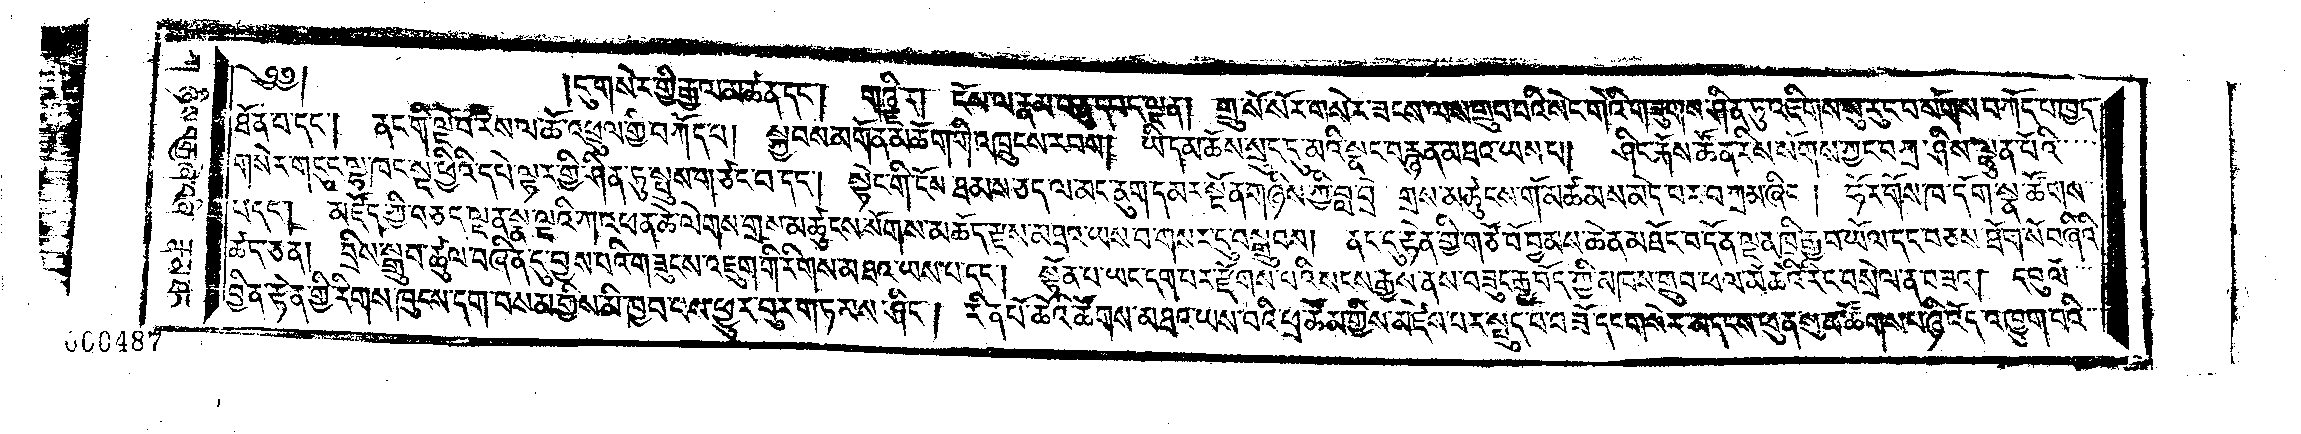༄༅། །དུ་གསེར་གྱི་རྒྱལ་མཚན་དང་། གཉྫིར?། ངོས་ལ་རྣམ་བཅུ་དབང་ལྡན། གྲུ་སོ་སོར་གསེར་ཟངས་ལས་གྲུབ་པའི་སེང་གེའི་གཟུགས་ཤིན་ཏུ་འཇིགས་སུ་རུང་བ་སོགས་བཀོད་པ་ཁྱད་
ཐོན་པ་དང་། ནང་གི་ལྡེབ་རིས་ལ་ཆོ་འཕྲུལ་གྱི་བཀོད་པ། སྐྱབས་མགོན་མཆོག་གི་འཁྲུང་རབས། ཡི་དམ་ཆོས་སྲུང་དུ་མའི་སྣང་བརྙན་མཐའ་ཡས་པ། ཤིང་རྐོས་ཚོན་རིས་སོགས་ཀྱང་བཀྲ་ཤིས་ལྷུན་པོའི་
གསེར་གདུང་ལྷ་ཁང་སྔ་ཕྱིའི་དཔེ་ལྟར་གྱི་ཤིན་ཏུ་སྤུས་གཙང་བ་དང་། སྟེང་གི་ངོས་ཐམས་ཅད་ལ་མང་ནུག་དམར་སྔོན་གཉིས་ཀྱི་བླ་བྲེ་གྲས་མཚུངས་གོ་མཚམས་མེད་པར་བཀྲམ་ཞིང་། ཧོར་གོས་ཁ་དོག་སྣ་ཚོགས་
པ་དང་། མཛོད་ཀྱི་བཅད་ལྡན་སྣ་ལྔའི་ཀ་འཕན་ཆེ་ལེགས་གྲས་མཚུངས་སོགས་མཆོད་རྫས་མཐའ་ཡས་པ་གསར་དུ་བསྒྲུབས། ནང་དུ་རྟེན་གྱི་གཙོ་བོ་བྱམས་ཆེན་མཐོང་བ་དོན་ལྡན་ཁྲི་རྒྱབ་ཡོལ་དང་བཅས་ཐོག་སོ་བཞིའི་
ཚད་ཅན། བྲིས་སྒྲུབ་ཚུལ་བཞིན་དུ་བྱས་པའི་གཟུངས་འཇུག་གི་རིགས་མཐའ་ཡས་པ་དང་། སྟོན་པ་ཡང་དག་པར་རྫོགས་པའི་སངས་རྒྱས་ནས་བཟུང་རྒྱ་བོད་ཀྱི་མཁས་གྲུབ་ཕལ་མོ་ཆེའི་རིང་བསྲེལ་ན་བཟའ། དབུ་ལོ་
བྱིན་རྟེན་གྱི་རིགས་ཁུངས་དག་བསམ་གྱིས་མི་ཁྱབ་པས་ཕྱུར་བུར་གཏམས་ཤིང་། རིན་པོ་ཆེའི་ཚོགས་མཐའ་ཡས་པའི་ཕྲ་ཚོམ་གྱིས་མཛོས་པར་སྤུད་པ་བཟོ་དང་གསེར་མདངས་ཕུན་སུམ་ཚོགས་པ་ཉི་འོད་འཁྱུག་པའི་